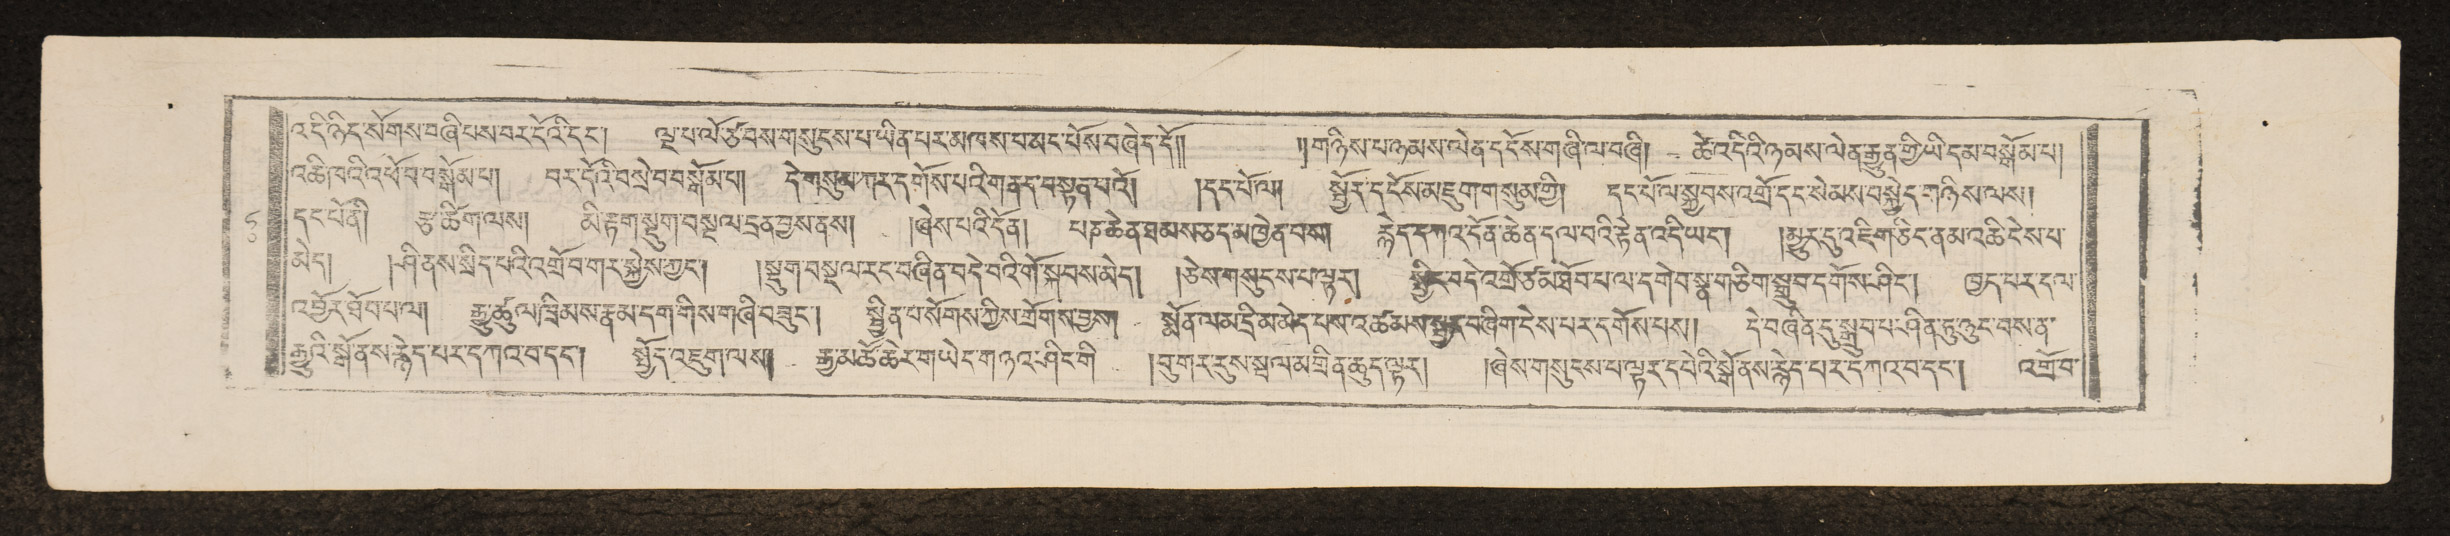འདི་ཉིད་སོགས་བཞི་པས་བར་དོའི་དང་། ལྔ་པ་ལོ་ཙ་བས་གསུངས་པ་ཡིན་པར་མཁས་པ་མང་པོས་བཞེད་དོ།། །།གཉིས་པ་ཉམས་ལེན་དངོས་གཞི་ལ་བཞི། ཚེ་འདིའི་ཉམས་ལེན་རྒྱུན་གྱི་ཡི་དམ་བསྒོམ་པ།
འཆི་ཁའི་འཕོ་བ་བསྒོམ་པ། བར་དོའི་བསྲེ་བ་བསྒོམ་པ། དེ་གསུམ་ཀར་དགོས་པའི་གནད་བསྟན་པའོ། །དང་པོ་ལ། སྦྱོར་དངོས་མཇུག་གསུམ་གྱི། དང་པོ་ལ་སྐྱབས་འགྲོ་དང་སེམས་བསྐྱེད་གཉིས་ལས།
དང་པོ་ནི། རྩ་ཚིག་ལས། མི་རྟག་སྡུག་བསྔལ་དྲན་བྱས་ནས། །ཞེས་པའི་དོན། པཎ་ཆེན་ཐམས་ཅད་མཁྱེན་པས། རྙེད་དཀའ་དོན་ཆེན་དལ་བའི་རྟེན་འདི་ཡང་། །མྱུར་དུ་འཇིག་ཅིང་ནམ་འཆི་ངེས་པ་
མེད། །ཤི་ནས་སྲིད་པའི་འགྲོ་བ་གར་སྐྱེས་ཀྱང་། །སྡུག་བསྔལ་རང་བཞིན་བདེ་བའི་གོ་སྐབས་མེད། །ཅེས་གསུངས་པ་ལྟར། སྤྱིད་བདེ་འགྲོ་ཙམ་ཐོབ་པ་ལ་དགེ་བ་སྣ་གཅིག་སྒྲུབ་དགོས་ཤིང་། ཁྱད་པར་དལ་
འབྱོར་ཐོབ་པ་ལ། རྒྱུ་ཚུལ་ཁྲིམས་རྣམ་དག་གིས་གཞི་བཟུང་། སྤྱིན་པ་སོགས་ཀྱིས་གྲོགས་བྱས། སྨོན་ལམ་དྲི་མ་མེད་པས་འཚམས་སྦྱར་བཞིག་དེས་པར་དགོས་པས། དེ་བཞིན་དུ་སྒྲུབ་བ་ཤིན་ཏུ་ཉུང་བསན་
རྒྱུའི་སྒོ་ནས་རྙེད་པར་དཀའ་བ་དང་། སྤྱོད་འཇུག་ལས། རྒྱ་མཚོ་ཆེར་གཡེང་གཉའ་ཤིང་གི །བུ་གར་རུས་སྦལ་མགྲིན་ཆུད་ལྟར། །ཞེས་གསུངས་པ་ལྟར་དཔེའི་སྒོ་ནས་རྙེད་པར་དཀའ་བ་དང་། འགྲོལ་